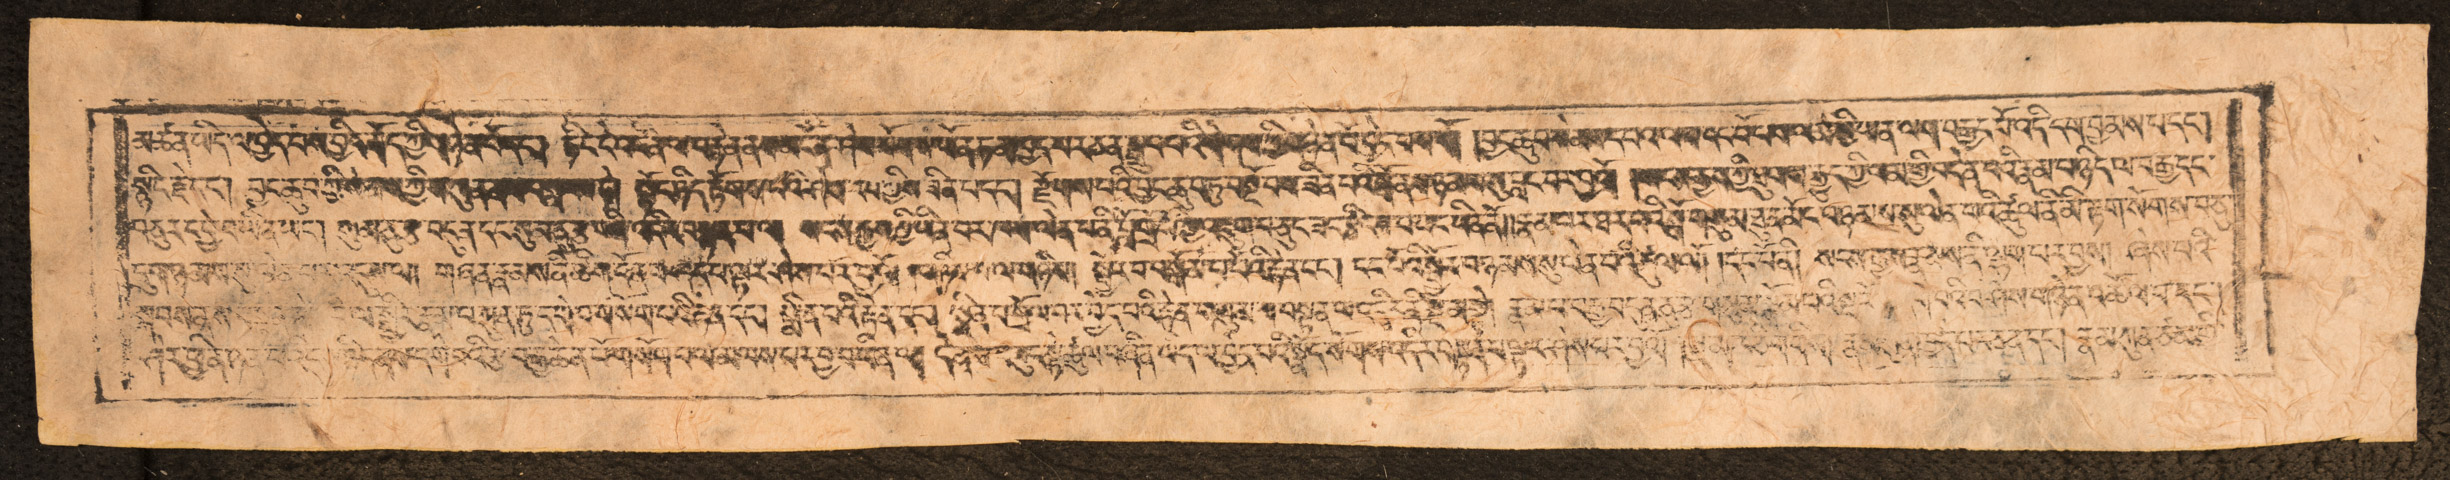མཚན་ཡིད་ལ་བྱེད་པས་བྱིང་རྒོད་ཀྱི་གཉེན་པོ་དང་། ཏིང་ངེ་འཛིན་ལ་བརྟེན་ནས་མངོན་ཤེས་སོགས་ཡོན་ཏན་ཁྱད་པར་ཅན་སྒྲུབ་པའི་གེགས་ཀྱི་གཉེན་པོ་བྱེད་པས་སོ། །བྱང་ཆུབ་སེམས་དཔའ་ལས་དང་པོ་པས་ལམ་གྱི་ཡན་ལག་བརྒྱད་པོ་འདི་དག་བྱམས་པ་དང་།
སྙིང་རྗེ་དང་། བྱང་ཆུབ་ཀྱི་སེམས་ཀྱིས་ཀུན་ནས་བསླངས་ཏེ། སྟོང་ཉིད་རྟོགས་པའི་ཤེས་རབ་ཀྱིས་ཟིན་པ་དང་། རྫོགས་པའི་བྱང་ཆུབ་ཏུ་བསྔོ་བས་ཟིན་པའི་སྒོ་ནས་ཉམས་སུ་བླང་བར་བྱའོ། །སངས་རྒྱས་ཀྱི་ཐུགས་རྒྱུད་ཀྱི་ལམ་གྱི་བདེན་པའི་རྣམ་པ་ཉིད་ལ་བརྒྱ་དང་
བཅུར་དབྱེ་བ་ཡིན་ཡང་། སུམ་ཅུ་རྩ་བདུན་དང་སུམ་ཅུ་རྩ་བཞི་འདིར་བསྟན་པ་ལ། སངས་རྒྱས་ཀྱི་ཡིན་པར་ཁས་ལེན་པ་ནི་བློ་གྲོས་ཀྱི་འཇུག་པ་ཅུང་ཟད་རྩིངས་པ་ཡང་ཡིན་ནོ། །རྣམ་པར་ཐར་པའི་སྒོ་གསུམ་ཐུན་མོང་བ་ཉམས་སུ་ལེན་པའི་ཚུལ་ནི་མི་རྟག་སོགས་བཅུ་
དྲུག་ཉམས་སུ་ལེན་པར་འདུས་ལ། གཞན་རྣམས་ནི་ཚིག་དོན་བཤད་པ་ལྟར་ཤེས་པར་བྱའོ། །གཉིས་པ་ལ་གཉིས། སྦྱོར་བ་བསྒོམ་པ་པོའི་རྟེན་དང་། དང་པོའི་སྦྱོར་བ་ཉམས་སུ་ལེན་པའི་ཚུལ་ལོ། །དང་པོ་ནི། སངས་རྒྱས་རྣམས་ནི་ལྷག་པར་བྱས། ཞེས་པའི་
སྐབས་ནས་བསྟན་ཏེ། དེ་ལ་སྤྱིར་རྣམ་པ་ཀུན་ཏུ་དགེ་བ་གསོག་པའི་རྟེན་དང་། སྨིན་པའི་རྟེན་དང་། སྨིན་པ་གྲོལ་བར་བྱེད་པའི་རྟེན་གསུམ་ཀ་བསྟན་ལ་འདིར་ནི་སྔ་མ་སྟེ། རྣམ་པ་བརྒྱ་བདུན་ཅུ་རྩ་གསུམ་སྒོམ་པའི་སྔ་རོལ་དགེ་བའི་བཤེས་གཉེན་འཚོལ་བ་དང་།
ཤེར་ཕྱིན་ཉན་པའི་དུས་ཉིད་ནས་དགེ་བའི་རྩ་བ་རྒྱ་ཆེན་པོ་གསོག་པ་ལ་མཁས་པར་བྱ་བ་ཡིན་ལ། དེ་ནས་བཟུང་སྟེ་ཚུལ་བཞིན་ཡིད་ལ་བྱེད་པའི་སྣོད་སོགས་འདིར་བསྟན་པ་ལྟར་ཤེས་པར་བྱའོ། །སྔ་མ་ཁ་ཅིག་གིས། རྣམ་ཀུན་ཁྱད་པར་ཅན་དང་། རྣམ་ཀུན་ཙམ་གྱི་